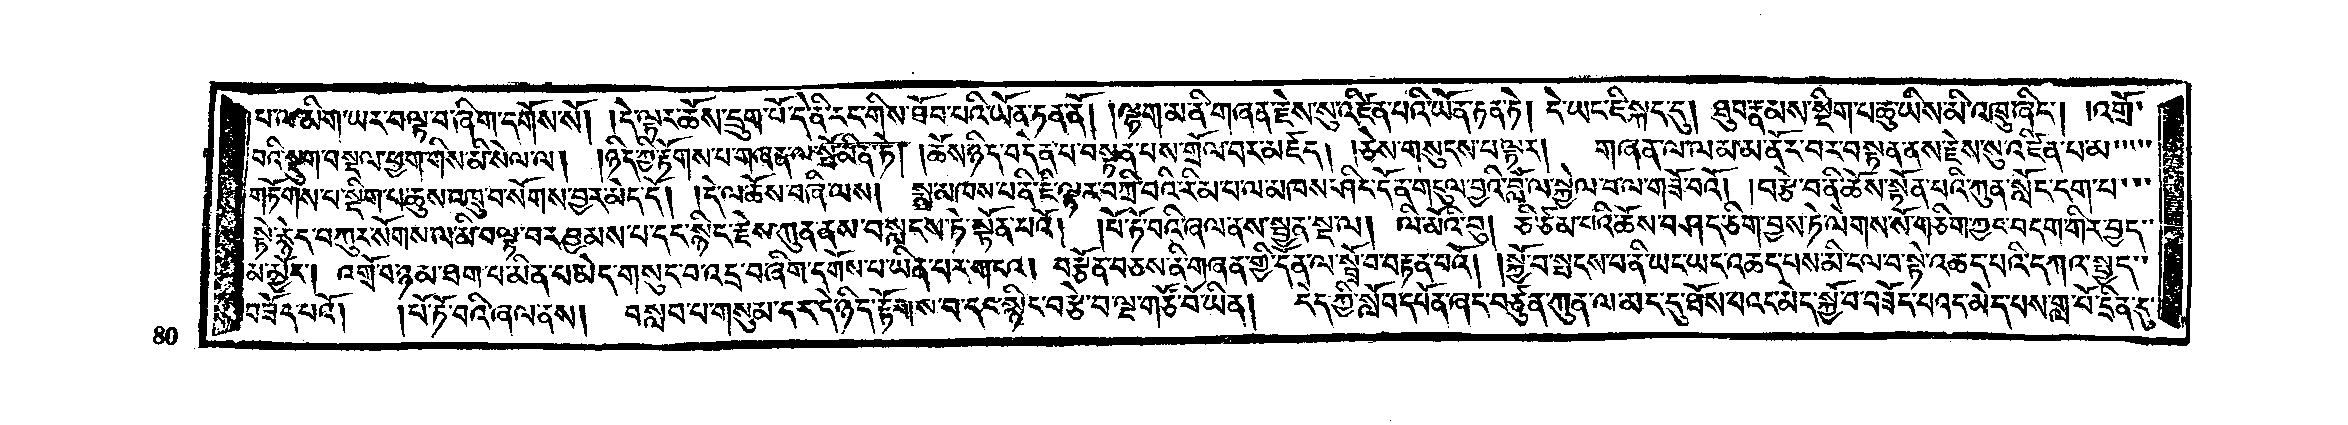པ་ལ་མིག་ཡར་བལྟ་བ་ཞིག་དགོས་སོ། །དེ་ལྟར་ཆོས་དྲུག་པོ་དེ་ནི་རང་གིས་ཐོབ་པའི་ཡོན་ཏན་ནོ། །ལྷག་མ་ནི་གཞན་རྗེས་སུ་འཛིན་པའི་ཡོན་ཏན་ཏེ། དེ་ཡང་ཇི་སྐད་དུ། ཐུབ་རྣམས་སྡིག་པ་ཆུ་ཡིས་མི་འཁྲུ་ཞིང་། །འགྲོ་
བའི་སྡུག་བསྔལ་ཕྱག་གིས་མི་སེལ་ལ། །ཉིད་ཀྱི་རྟོགས་པ་གཞན་ལ་སྤོ་མིན་ཏེ། །ཆོས་ཉིད་བདེན་པ་བསྟན་པས་གྲོལ་བར་མཛད། །ཅེས་གསུངས་པ་ལྟར། གཞན་ལ་ལམ་མ་ནོར་བར་བསྟན་ནས་རྗེས་སུ་འཛིན་པ་མ་
གཏོགས་པ་སྡིག་པ་ཆུས་འཁྲུ་བ་སོགས་བྱར་མེད་དོ། །དེ་ལ་ཆོས་བཞི་ལས། སྨྲ་མཁས་པ་ནི་ཇི་ལྟར་བཀྲི་བའི་རིམ་པ་ལ་མཁས་ཤིང་དོན་གདུལ་བྱའི་བློ་ལ་སྐྱེལ་བ་ལ་གཟོ་བའོ། །བརྩེ་བ་ནི་ཆོས་སྟོན་པའི་ཀུན་སློང་དག་པ་
སྟེ་རྙེད་བཀུར་སོགས་ལ་མི་བལྟ་བར་བྱམས་པ་དང་སྙིང་རྗེས་ཀུན་ནས་བསླངས་ཏེ་སྟོན་པའོ། །པོ་ཏོ་བའི་ཞལ་ནས་སྤྱན་སྔ་ལ། ལི་མོའི་བུ། ཅི་ཙམ་པའི་ཆོས་བཤད་ཅིག་བྱས་ཏེ་ལེགས་སོ་གཅིག་ཀྱང་བདག་གིར་བྱེད་
མ་མྱོང་། འགྲོ་བ་ཉམ་ཐག་པ་མིན་པ་མེད་གསུང་བ་འདྲ་བ་ཞིག་དགོས་པ་ཡིན་པར་གདའ། བརྩོན་བཅས་ནི་གཞན་གྱི་དོན་ལ་སྤྲོ་བ་བརྟན་པའོ། །སྐྱོ་བ་སྤངས་པ་ནི་ཡང་ཡང་འཆད་པས་མི་ངལ་བ་སྟེ་འཆད་པའི་དཀའ་སྤྱད་
བཟོད་པའོ། །པོ་ཏོ་བའི་ཞལ་ནས། བསླབ་པ་གསུམ་དང་དེ་ཉིད་རྟོགས་པ་དང་སྙིང་བརྩེ་བ་ལྔ་གཙོ་བོ་ཡིན། ངེད་ཀྱི་སློབ་དཔོན་ཞང་བཙུན་ཀུན་ལ་མང་དུ་ཐོས་པའང་མེད་སྐྱོ་བ་བཟོད་པའང་མེད་པས་གླ་བོ་དྲིན་དུ་